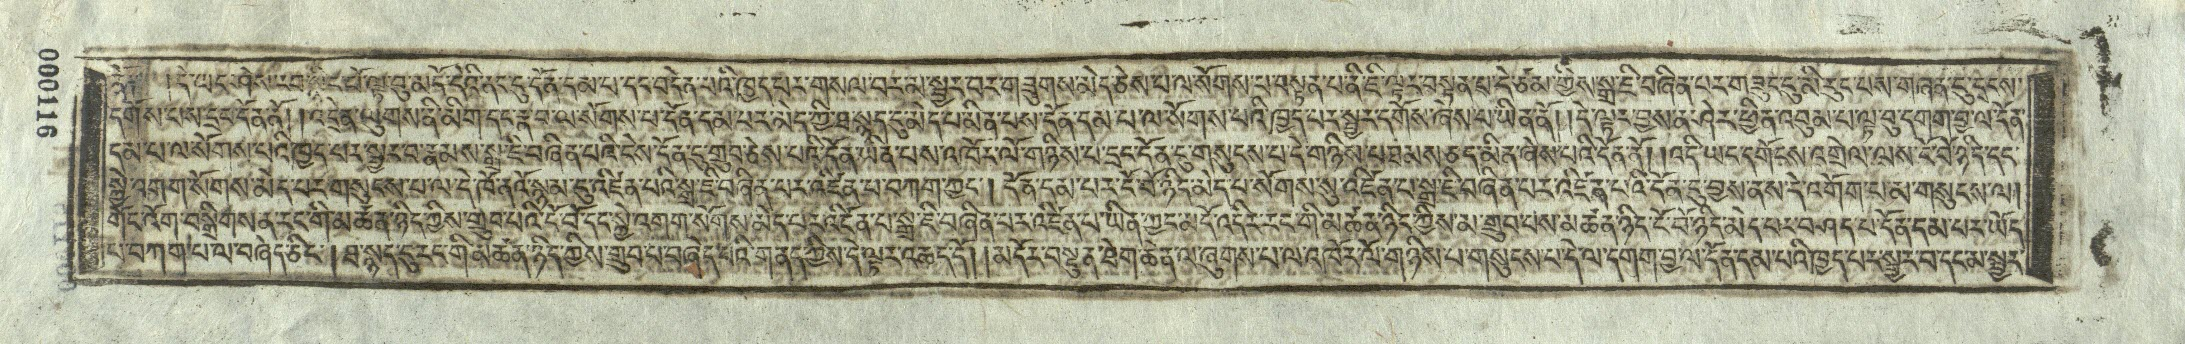ནོ༑ ༑དེ་ཡང་ཤེས་རབ་སྙིང་པོ་ལྟ་བུ་མདོ་དེའི་ནང་དུ་དོན་དམ་པ་དང་བདེན་པའི་ཁྱད་པར་གསལ་བར་མ་སྦྱར་བར་གཟུགས་མེད་ཅེས་པ་ལ་སོགས་པ་བསྟན་པ་ནི་ཇི་ལྟར་བསྟན་པ་དེ་ཙམ་གྱིས་སྒྲ་ཇི་བཞིན་པར་གཟུང་དུ་མི་རུང་བས་གཞན་དུ་དྲངས་
དགོས་པས་དྲང་དོན་ནོ། །འདྲེན་ལུགས་ནི་མིག་དང་རྣ་བ་ལ་སོགས་པ་དོན་དམ་པར་མེད་ཀྱི་ཐ་སྙད་དུ་མེད་པ་མིན་པས་དོན་དམ་པ་ལ་སོགས་པའི་ཁྱད་པར་སྦྱར་དགོས་ཞེས་པ་ཡིན་ནོ། །དེ་ལྟར་བྱས་ན་ཤེར་ཕྱིན་འབུམ་པ་ལྟ་བུ་དགག་བྱ་ལ་དོན་
དམ་པ་ལ་སོགས་པའི་ཁྱད་པར་སྦྱར་བ་རྣམས་སྒྲ་ཇི་བཞིན་པའི་ངེས་དོན་དུ་གྲུབ་ཅེས་པའི་དོན་ཡིན་པས་འཁོར་ལོ་གཉིས་པ་དྲང་དོན་དུ་གསུངས་པ་དེ་གཉིས་པ་ཐམས་ཅད་མིན་ཞེས་པའི་དོན་ནོ། །འདི་ཡང་དགོངས་འགྲེལ་ལས་ངོ་བོ་ཉིད་དང་
སྐྱེ་འགག་སོགས་མེད་པར་གསུངས་པ་ལ་དེ་ཁོ་ནའོ་སྙམ་དུ་འཛིན་པའི་སྒྲ་ཇི་བཞིན་པར་འཛིན་པ་བཀག་ཀྱང་། དོན་དམ་པར་ངོ་བོ་ཉིད་མེད་པ་སོགས་སུ་འཛིན་པ་སྒྲ་ཇི་བཞིན་པར་འཛིན་པའི་དོན་དུ་བྱས་ནས་དེ་འགོག་པ་མ་གསུངས་ལ།
གོང་འོག་བསྒྲིགས་ན་རང་གི་མཚན་ཉིད་ཀྱིས་གྲུབ་པའི་ངོ་བོ་དང་སྐྱེ་འགག་སོགས་མེད་པར་འཛིན་པ་སྒྲ་ཇི་བཞིན་པར་འཛིན་པ་ཡིན་ཀྱང་མདོ་འདིར་རང་གི་མཚན་ཉིད་ཀྱིས་མ་གྲུབ་པས་མཚན་ཉིད་ངོ་བོ་ཉིད་མེད་པར་བཤད་པ་དོན་དམ་པར་ཡོད་
པ་བཀག་པ་ལ་བཞེད་ཅིང་། ཐ་སྙད་དུ་རང་གི་མཚན་ཉིད་ཀྱིས་གྲུབ་པ་བཞེད་པའི་གནད་ཀྱིས་དེ་ལྟར་འཆད་དོ། །མདོར་བསྡུ་ན་ཐེག་ཆེན་ལ་ཞུགས་པ་ལ་འཁོར་ལོ་གཉིས་པ་གསུངས་པ་དེ་ལ་དགག་བྱ་ལ་དོན་དམ་པའི་ཁྱད་པར་སྦྱར་བ་དང་མ་སྦྱར་